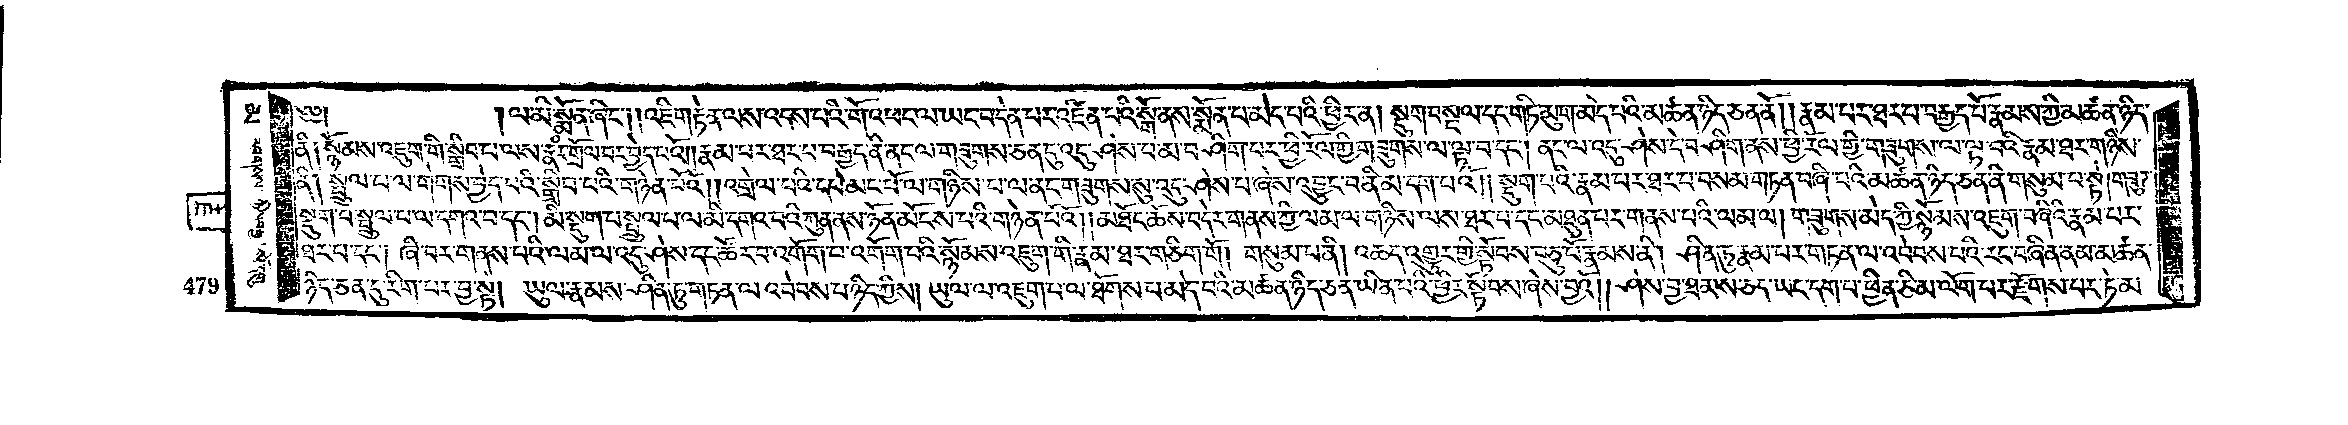༄༅། །ལ་མི་སྨོན་ཞིང་། །འཇིག་རྟེན་ལས་འདས་པའི་གོ་འཕང་ལ་ཡང་བདེན་པར་འཛིན་པའི་སྒོ་ནས་སྨོན་པ་མེད་པའི་ཕྱིར་ན། སྡུག་བསྔལ་དང་གཏི་མུག་མེད་པའི་མཚན་ཉིད་ཅན་ནོ། །རྣམ་པར་ཐར་པ་བརྒྱད་པོ་རྣམས་ཀྱི་མཚན་ཉིད་
ནི། སྙོམས་འཇུག་གི་སྒྲིབ་པ་ལས་རྣམ་པར་གྲོལ་བར་བྱེད་པའོ། །རྣམ་པར་ཐར་པ་བརྒྱད་ནི་ནང་ལ་གཟུགས་ཅན་དུ་འདུ་ཤེས་པ་མ་བཤིག་པར་ཕྱི་རོལ་གྱི་གཟུགས་ལ་ལྟ་བ་དང་། ནང་ལ་འདུ་ཤེས་དེ་བཤིག་ནས་ཕྱི་རོལ་གྱི་གཟུགས་ལ་ལྟ་བའི་རྣམ་ཐར་གཉིས་
ནི། སྤྲུལ་པ་ལ་གེགས་བྱེད་པའི་སྒྲིབ་པའི་གཉེན་པོའོ། །འགྲེལ་པའི་དཔེ་མང་པོ་ལ་གཉིས་པ་ལ་ནང་གཟུགས་སུ་འདུ་ཤེས་པ་ཞེས་འབྱུང་བ་ནི་མ་དག་པའོ། །སྡུག་པའི་རྣམ་པར་ཐར་པ་བསམ་གཏན་བཞི་པའི་མཚན་ཉིད་ཅན་ནི་གསུམ་པ་སྟེ། གཟུགས་
སྡུག་པ་སྤྲུལ་པ་ལ་དགའ་བ་དང་། མི་སྡུག་པ་སྤྲུལ་པ་ལ་མི་དགའ་བའི་ཀུན་ནས་ཉོན་མོངས་པའི་གཉེན་པའོ། །མཐོང་ཆོས་བདེར་གནས་ཀྱི་ལམ་ལ་གཉིས་ལས་ཐར་པ་དང་མཐུན་པར་གནས་པའི་ལམ་ལ། གཟུགས་མེད་ཀྱི་སྙོམས་འཇུག་བཞིའི་རྣམ་པར་
ཐར་པ་དང་། ཞི་བར་གནས་པའི་ལམ་ལ་འདུ་ཤེས་དང་ཚོར་བ་འགོག་པ་འགོག་པའི་སྙོམས་འཇུག་གི་རྣམ་ཐར་གཅིག་གོ །གསུམ་པ་ནི། འཆད་འགྱུར་གྱི་སྟོབས་བཅུ་པོ་རྣམས་ནི། ཤིན་ཏུ་རྣམ་པར་གཏན་ལ་འབེབས་པའི་རང་བཞིན་ནམ་མཚན་
ཉིད་ཅན་དུ་རིག་པར་བྱ་སྟེ། ཡུལ་རྣམས་ཤིན་ཏུ་གཏན་ལ་འབེབས་པ་ཉིད་ཀྱིས། ཡུལ་ལ་འཇུག་པ་ལ་ཐོགས་པ་མེད་པའི་མཚན་ཉིད་ཅན་ཡིན་པའི་ཕྱིར་སྟོབས་ཞེས་བྱའོ། །ཤེས་བྱ་ཐམས་ཅད་ཡང་དག་པ་ཕྱིན་ཅི་མ་ལོག་པར་རྫོགས་པར་ཏེ་མ་